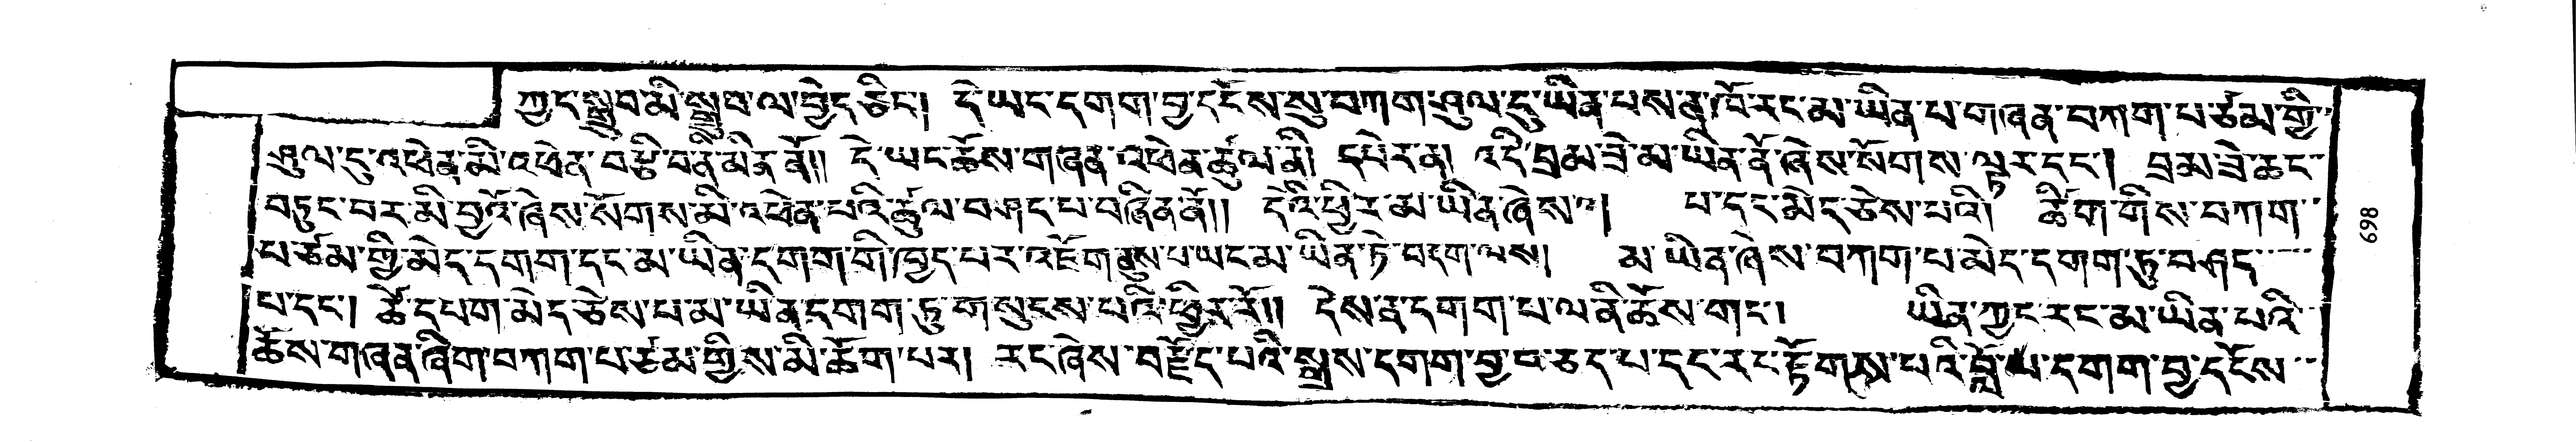ཀྱང་སྒྲུབ་མི་སྒྲུབ་ལ་བྱེད་ཅིང་། དེ་ཡང་དགག་བྱ་དངོས་སུ་བཀག་ཤུལ་དུ་ཡིན་པས་ན་ཁོ་རང་མ་ཡིན་པ་གཞན་བཀག་པ་ཙམ་གྱི་
ཤུལ་དུ་འཕེན་མི་འཕེན་བརྩི་བ་ནི་མིན་ནོ།། དེ་ཡང་ཆོས་གཞན་འཕེན་ཚུལ་ནི། དཔེར་ན། འདི་བྲམ་ཟེ་མ་ཡིན་ནོ་ཞེས་སོགས་ལྟར་དང་། བྲམ་ཟེ་ཆང་
བཏུང་བར་མི་བྱའོ་ཞེས་སོགས་མི་འཕེན་པའི་ཚུལ་བཤད་པ་བཞིན་ནོ།། དེའི་ཕྱིར་མ་ཡིན་ཞེས། པ་དང་མེད་ཅེས་པའི། ཚིག་གིས་བཀག་
པ་ཙམ་གྱི་མེད་དགག་དང་མ་ཡིན་དགག་གི་ཁྱད་པར་འཇོག་ནུས་པ་ཡང་མ་ཡིན་ཏེ་བདག་ལས། མ་ཡིན་ཞེས་བཀག་པ་མེད་དགག་ཏུ་བཤད་
པ་དང་། ཚེ་དཔག་མེད་ཅེས་པ་མ་ཡིན་དགག་ཏུ་གསུངས་པའི་ཕྱིར་རོ།། དེས་ན་དགག་པ་ལ་ནི་ཆོས་གང་། ཡིན་ཀྱང་རང་མ་ཡིན་པའི་
ཆོས་གཞན་ཞིག་བཀག་པ་ཙམ་གྱིས་མི་ཆོག་པར། རང་ཞེས་བརྗོད་པའི་སྒྲས་དགག་བྱ་བ་ཅད་པ་དང་རང་རྟོགས་པའི་བློ་ལ་དགག་བྱ་དངོས་